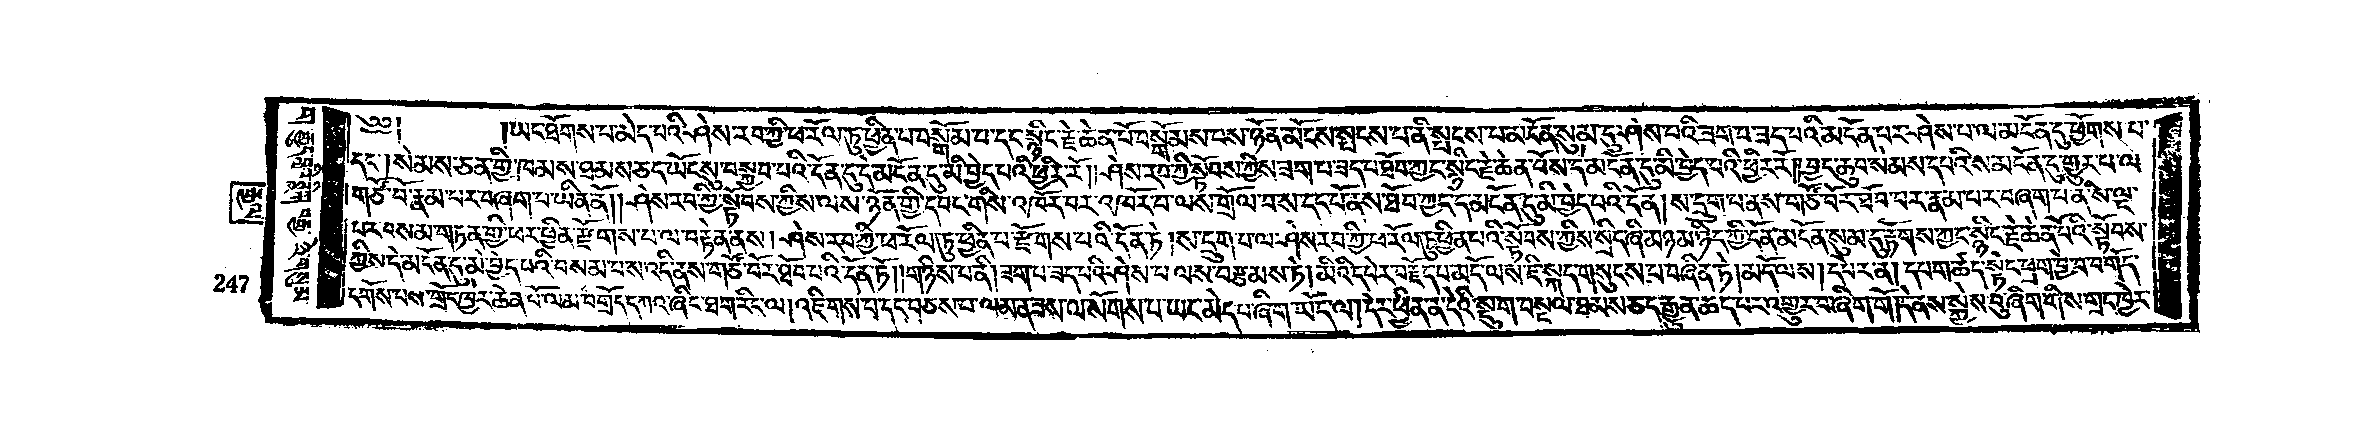༄༅། །ཡང་ཐོགས་པ་མེད་པའི་ཤེས་རབ་ཀྱི་ཕ་རོལ་ཏུ་ཕྱིན་པ་བསྒོམ་པ་དང་སྙིང་རྗེ་ཆེན་པོ་བསྒོམས་པས་ཉོན་མོངས་སྤངས་པ་ནི་སྤངས་པ་མངོན་སུམ་དུ་ཤེས་པའི་ཟག་པ་ཟད་པའི་མངོན་པར་ཤེས་པ་ལ་མངོན་དུ་ཕྱོགས་པ་
དང༑ སེམས་ཅན་གྱི་ཁམས་ཐམས་ཅད་ཡོངས་སུ་བསྐྱབ་པའི་དོན་དུ་དེ་མངོན་དུ་མི་བྱེད་པའི་ཕྱིར་རོ། །ཤེས་རབ་ཀྱི་སྟོབས་ཀྱིས་ཟག་པ་ཟད་པ་ཐོབ་ཀྱང་སྙིང་རྗེ་ཆེན་པོས་དེ་མངོན་དུ་མི་བྱེད་པའི་ཕྱིར་རོ། །བྱང་ཆུབ་སེམས་དཔའི་ས་མངོན་དུ་གྱུར་པ་ལ་
གཙོ་བོ་རྣམ་པར་བཞག་པ་ཡིན་ནོ། །ཤེས་རབ་ཀྱི་སྟོབས་ཀྱིས་ལས་ཉོན་གྱི་དབང་གིས་འཁོར་བར་འཁོར་བ་ལས་གྲོལ་བ་ས་དང་པོ་ནས་ཐོབ་ཀྱང་དེ་མངོན་དུ་མི་བྱེད་པའི་དོན། ས་དྲུག་པ་ནས་གཙོ་བོར་ཐོབ་པར་རྣམ་པར་བཞག་པ་ནི་ས་ལྔ་
པར་བསམ་གཏན་གྱི་ཕར་ཕྱིན་རྫོགས་པ་ལ་བརྟེན་ནས། ཤེས་རབ་ཀྱི་ཕ་རོལ་ཏུ་ཕྱིན་པ་རྫོགས་པའི་དོན་ཏེ། ས་དྲུག་པ་ལ་ཤེས་རབ་ཀྱི་ཕ་རོལ་ཏུ་ཕྱིན་པའི་སྟོབས་ཀྱིས་སྲིད་ཞི་མཉམ་ཉིད་ཀྱི་དོན་མངོན་སུམ་དུ་རྟོགས་ཀྱང་སྙིང་རྗེ་ཆེན་པོའི་སྟོབས་
ཀྱིས་དེ་མངོན་དུ་མི་བྱེད་པའི་བསམ་པ་ས་འདི་ནས་གཙོ་བོར་ཐོབ་པའི་དོན་ཏོ། །གཉིས་པ་ནི། ཟག་པ་ཟད་པའི་ཤེས་པ་ལས་བརྩམས་ཏེ། མིའི་དཔེར་བརྗོད་པ་མདོ་ལས་ཇི་སྐད་གསུངས་པ་བཞིན་ཏེ། མདོ་ལས། དཔེར་ན། དཔག་ཚད་སྟོང་ཕྲག་བྱེ་བ་བགོད་
དགོས་པས་གྲོང་ཁྱེར་ཆེན་པོ་ལམ་བགྲོད་དཀའ་ཞིང་ཐག་རིང་ལ། འཇིགས་པ་དང་བཅས་པ་ལམ་ན་ཟས་ལ་སོགས་པ་ཡང་མེད་པ་ཞིག་ཡོད་ལ། དེར་ཕྱིན་ན་དེའི་སྡུག་བསྔལ་ཐམས་ཅད་རྒྱུན་ཆད་པར་འགྱུར་བ་ཞིག་གོ །དེ་ནས་སྐྱེས་བུ་ཞིག་གིས་གྲང་ཁྱེར་